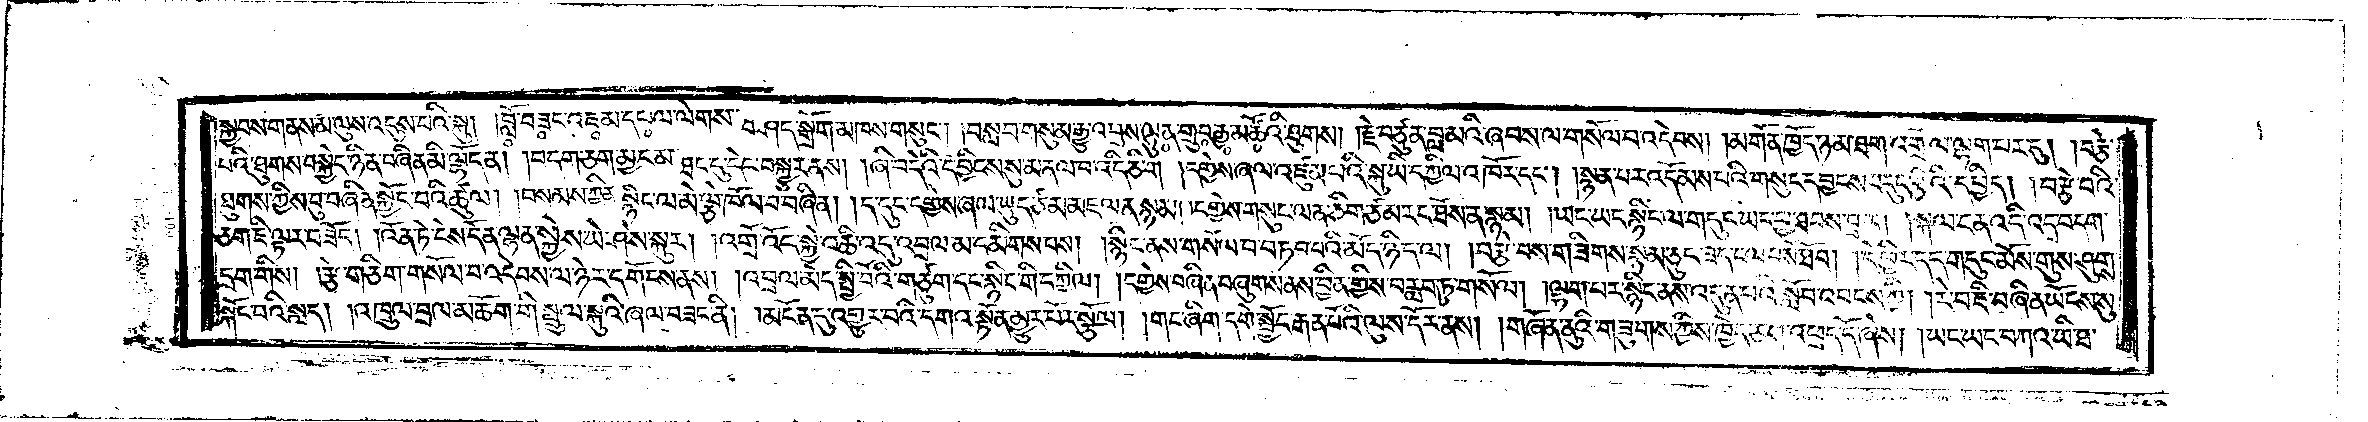སྐྱབས་གནས་མ་ལུས་འདུས་པའི་སྐུ། །བློ་བཟང་འཇམ་དཔལ་ལེགས་བཤད་སྒྲོག་མཁས་གསུང་། །བསླབ་གསུམ་རྒྱུ་འབྲས་ལྷུན་གྲུབ་རྒྱ་མཚོའི་ཐུགས། །རྗེ་བཙུན་བླ་མའི་ཞབས་ལ་གསོལ་བ་འདེབས། །མགོན་ཁྱོད་ཉམ་ཐག་འགྲོ་ལ་ལྷག་པར་དུ། །བརྩེ་
པའི་ཐུགས་བསྐྱེད་ཉིན་བཞིན་མི་ལྷོད་ན། །བདག་ཅག་མྱང་མཐང་དུ་དེང་བསྐྱུར་ནས། །ཞི་བདེའི་དབྱིངས་སུ་མནལ་བ་འདི་ཅིག །དགྱེས་ཞལ་འཛུམ་པའི་སྐུ་ཡི་དཀྱིལ་འཁོར་དང་། །སྙན་པར་འདོམས་པའི་གསུང་དབྱངས་བདུད་རྩིའི་དཔྱིད། །བརྩེ་བའི་
ཐུགས་ཀྱིས་བུ་བཞིན་སྐྱོང་བའི་ཚུལ། །བསམས་ཀྱིན་སྙིང་ལ་མེ་ལྕེ་ཁོལ་བ་བཞིན། །ད་དུང་དགྱེས་ཞལ་ཡུད་ཙམ་མཇལ་ན་སྙམ། །དགྱེས་གསུང་ལན་ཆིག་ཙམ་རང་ཐོས་ན་སྙམ། །ཡང་ཡང་སྙིང་ལ་གདུང་ཡང་བྱ་ཐབས་བྲལ། །སྐལ་ངན་འདི་འདྲ་བདག་
ཅག་ཇི་ལྟར་བཟོད། །འོན་ཏེ་ངེས་དོན་ལྷན་སྐྱེས་ཡེ་ཤེས་སྐུར། །འགྲོ་འོད་སྐྱེ་འཆི་འདུ་འབྲལ་མ་དམིགས་པས། །སྙིང་ནས་གསོལ་བ་བཏབ་པའི་མོད་ཉིད་ལ། །བརྩི་བས་གཟིགས་སྙམ་ཅུང་ཟད་ངལ་བསོ་ཐོབ། །དེ་ཕྱིར་དད་གདུང་མོས་གུས་ཤུགས་
དྲག་གིས། །རྩེ་གཅིག་གསོལ་བ་འདེབས་ལ་ཉེར་དགོངས་ནས། །འབྲལ་མེད་སྤྱི་བོའི་གཙུག་དང་སྙིང་གི་དཀྱིལ། །དགྱེས་བཞིན་བཞུགས་ནས་བྱིན་གྱིས་བརླབ་ཏུ་གསོལ། །ལྷག་པར་སྙིང་ནས་འདུན་པའི་སློབ་འབངས་ཀྱི། །རེ་བ་ཇི་བཞིན་ཡོངས་སུ་
སྐོང་བའི་སླད། །འཁྲུལ་བྲལ་མཆོག་གི་སྤྲུལ་སྐུའི་ཞལ་བཟང་ནི། །མངོན་དུ་འགྱུར་བའི་དགའ་སྟོན་མྱུར་པོར་སྩོལ། །གང་ཞིག་དགེ་སྦྱོང་རྒན་པོའི་ལུས་དོར་ནས། །གཞོན་ནུའི་གཟུགས་ཀྱིས་ཁྱེད་ཅག་འཕྲད་དོ་ཞེས། །ཡང་ཡང་བཀའ་ཡི་ཐ་